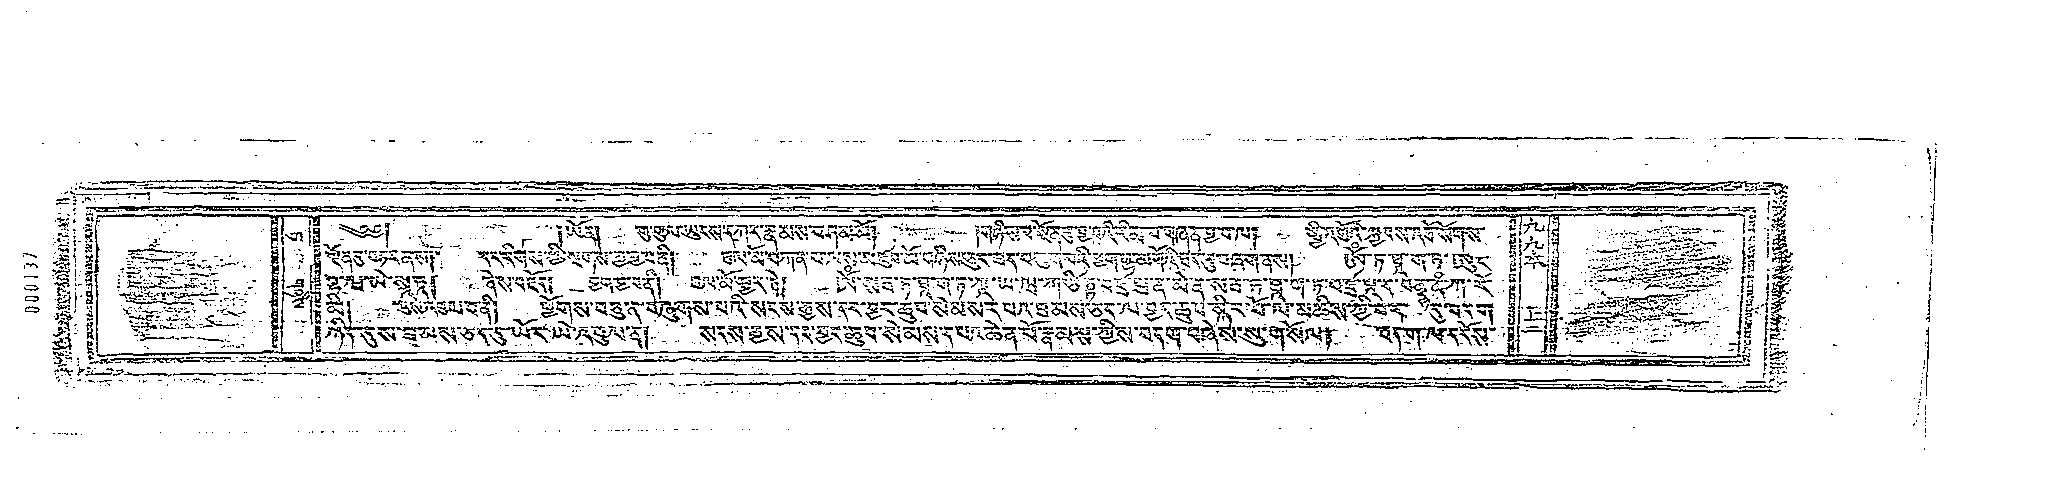༄༅། །ཡོན། གུ་གུལ་ཡུངས་དཀར་རྣམས་བཤམ་མོ། །གཉིས་པ་སྔོན་དུ་བྱ་བའི་རིམ་པ་གཞན་བྱ་བ་ལ། སྤྱི་འགྲོའི་སྐྱབས་འགྲོ་སོགས་
སྔོན་དུ་བཏང་ནས། རང་རིགས་ཀྱི་སྔགས་རྒྱ་བྱ་བ་ནི། ཐལ་མོ་བཀན་པ་ལས་མཛུབ་མོ་གཉིས་ཅུང་ཟད་བཀུག་པའི་ཕྱག་རྒྱ་མགོའི་ཐང་དུ་བཞག་ནས། ཨོཾ་ཏ་ཐཱ་ག་ཏ་ཨུད་
བྷ་ཝ་ཡེ་སྭཱ་ཧཱ། ཞེས་བརྗོད། ཕྱག་བྱ་བ་ནི། ཐལ་མོ་སྦྱར་ཏེ། ཨོཾ་སརྦ་ཏ་ཐཱ་ག་ཏ་ཀཱ་ཡ་ཝ་ཀ་ཙིཏྟ་བཛྲ་པྲ་ན་མེ་ན་སརྦ་ཏ་ཐཱ་ག་ཏ་བཛྲ་པཱ་ད་བེནྡྷ་ནི་ཀ་རོ་
མི། ལུས་འབུལ་བ་ནི། ཕྱོགས་བཅུ་ན་བཞུགས་པའི་སངས་རྒྱས་དང་བྱང་ཆུབ་སེམས་དཔའ་ཐམས་ཅད་ལ་བྱང་ཆུབ་སྙིང་པོ་ལ་མཆིས་ཀྱི་བར་དུ་བདག་
ཉིད་དུས་ཐམས་ཅད་དུ་ཡོང་ཡེ་འབུལ་ན། སངས་རྒྱས་དང་བྱང་ཆུབ་སེམས་དཔའ་ཆེན་པོ་རྣམས་ཀྱིས་བདག་བཞེས་སུ་གསོལ། བདག་ལ་དངོས་